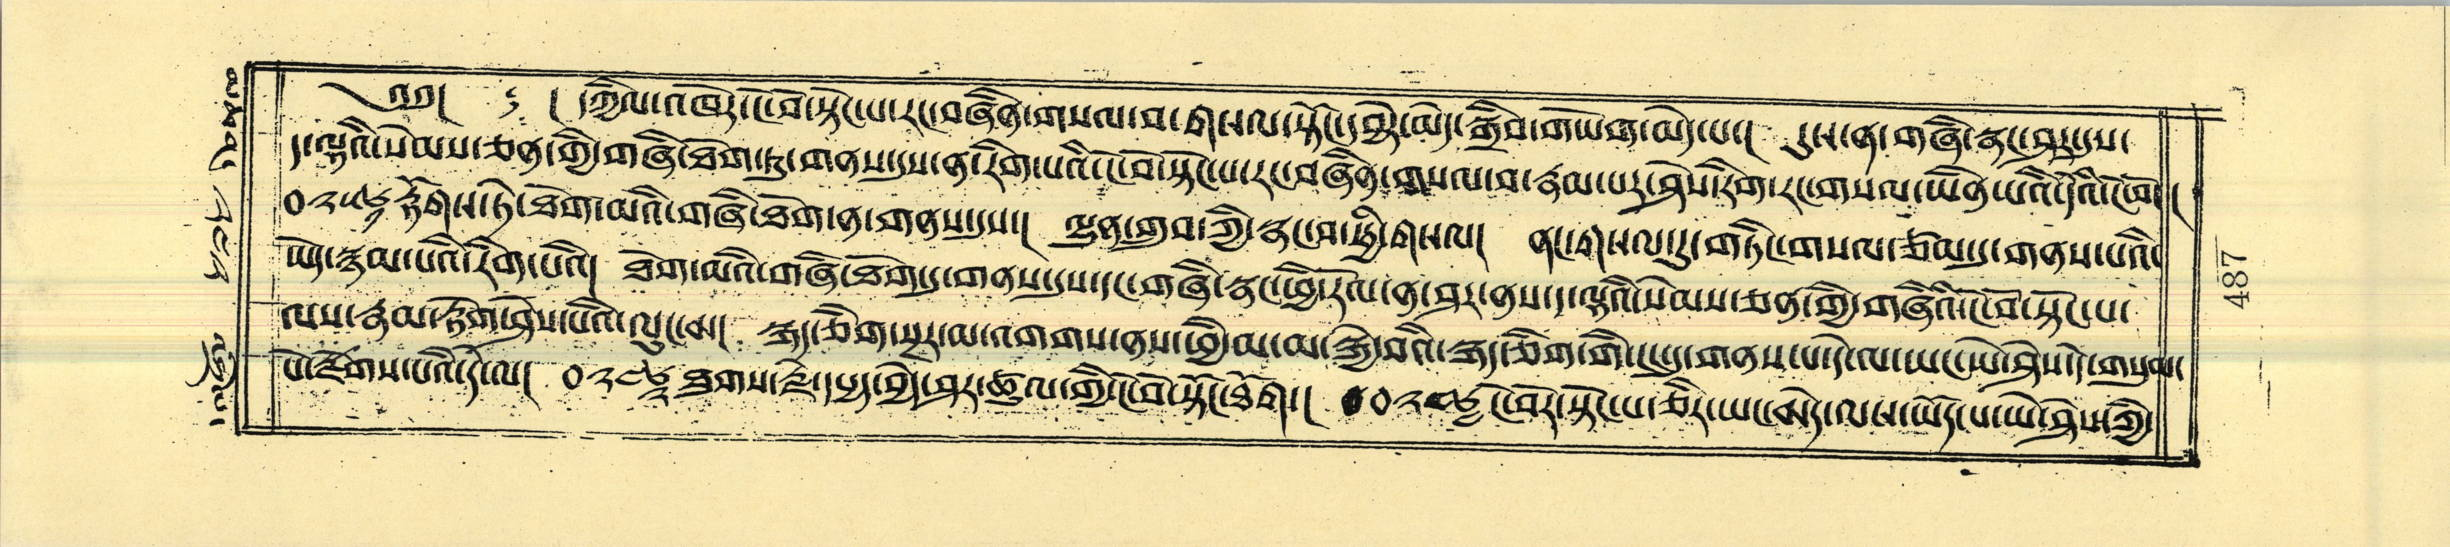དཀྱིལ་འཁོར་ངོ་བོ་སྟོང་པ་རང་བཞིན་གསལ་བ་༼གསལ་སྟོང༽དབྱེར་མེད་སྒྲིབ་གཡོགས་མེད་པ། དུས་ན་གཞི་སྣང་ཤར་དུས་
ད་ལྟའི་སེམས་ཅན་གྱི་གཞི་ཐོག་ཏུ་གནས་དུས་ན་རིག་པའི་ངོ་བོ་སྟོང་པ་རང་བཞིན་གསལ་བ་རྣམ་པར་ཤེས་རིག་རང་གསལ་ཡིན་པའི་དེའི་ངོ་བོ་
བ༢༥༦།༡༼རྟོགས་ཏེ༽ཐོག་མའི་གཞི་ཐོག་ན་གནས་དུས་ལྷུན་གྲུབ་ཀྱི་སྣང་བ་༼ཕྱིར་གསལ༽༼ནང་གསལ་༽དུ་གཏིང་གསལ་ཙམ་དུ་གནས་པའི་
ཡོད་སྙམ་པའི་རིག་པའི་ཐོག་མའི་གཞི་ཐོག་ཏུ་གནས་དུས་དང་གཞི་སྣང་ཕྱི་རོལ་ན་ཤར་ནས་ད་ལྟའི་སེམས་ཅན་གྱི་གཞིའི་ངོ་བོ་སྟོང་པ་
ལས་རྣམ་རྟོག་ཤེས་པའི་༼ལུང་མ༽ སྐད་ཅིག་སྔར་མ་འགག་ནས་ཕྱི་མ་མ་སྐྱེ་བའི་སྐད་ཅིག་གི་ངང་དུ་གནས་པ་དེ་ལ་ཡང་ཡེ་ཤེས་དེ་གསུམ་
པོ་རྫོགས་པའི་༼དེ་ལ་༽བ༢༤༦།༢ཐུགས་རྗེ་དཔྱད་བྱེད་ཤར་ཚུལ་གྱི་ངོ་བོ་༼སྟོང་ཐོག༽བ༢༤༦།༤ངོ་བོར་སྟོང་པ་ཅིར་ཡང་༼མེད་ལས༽ཡོད་པ་ཡེ་ཤེས་ཀྱི་